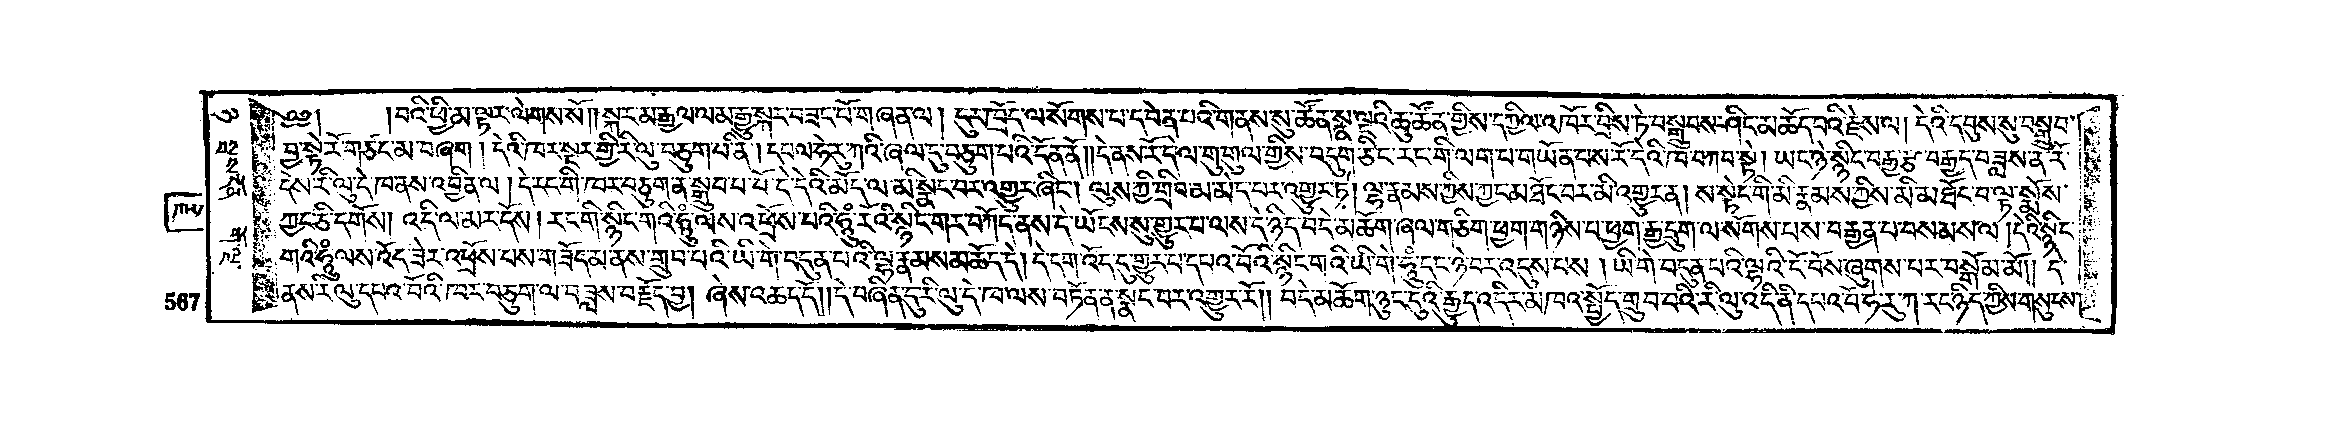༄༅། །བའི་ཕྱི་མ་ལྟར་ལེགས་སོ། །སྐར་མ་རྒྱལ་ལམ་རྒྱུ་སྐར་བཟང་པོ་གཞན་ལ། དུར་ཁྲོད་ལ་སོགས་པ་དབེན་པའི་གནས་སུ་ཚོན་སྣ་ལྔའི་ཆུ་ཚོན་གྱིས་དཀྱིལ་འཁོར་བྲིས་ཏེ་བསྒྲུབས་ཤིང་མཆོད་པའི་རྗེས་ལ། དེའི་དབུས་སུ་བསྒྲུབ་
བྱ་སྟེ་རོ་གཙང་མ་བཞག །དེའི་ཁར་སྔར་གྱི་རི་ལུ་བཅུག་པ་ནི། དཔལ་ཧེ་རུ་ཀའི་ཞལ་དུ་བཅུག་པའི་དོན་ནོ། །དེ་ནས་རོ་དེ་ལ་གུ་གུལ་གྱིས་བདུག་ཅིང་རང་གི་ལག་པ་གཡོན་པས་རོ་དེའི་ཁ་བཀབ་སྟེ། ཡང་ཉེ་སྙིང་བརྒྱ་རྩ་བརྒྱད་བཟླས་ན་རོ་
དེས་རི་ལུ་དེ་ཁ་ནས་འབྱིན་ལ། དེ་རང་གི་ཁར་བཅུག་ན་སྒྲུབ་པ་པོ་དེ་དེའི་མོད་ལ་མི་སྣང་བར་འགྱུར་ཞིང་། ལུས་ཀྱི་གྲིབ་མ་མེད་པར་འགྱུར་ཏེ། ལྷ་རྣམས་ཀྱིས་ཀྱང་མཐོང་བར་མི་འགྱུར་ན། ས་སྟེང་གི་མི་རྣམས་ཀྱིས་མི་མཐོང་བ་ལྟ་སྨོས་
ཀྱང་ཅི་དགོས། འདི་ལ་མར་དོས། རང་གི་སྙིང་གའི་ཧཱུཾ་ལས་འཕྲོས་པའི་ཧཱུཾ་རོའི་སྙིང་གར་བཀོད་ནས་དེ་ཡོངས་སུ་གྱུར་པ་ལས་དེ་ཉིད་བདེ་མཆོག་ཞལ་གཅིག་ཕྱག་གཉིས་པ་ཕྱག་རྒྱ་དྲུག་ལ་སོགས་པས་བརྒྱན་པ་བསམས་ལ། དེའི་སྙིང་
གའི་ཧཱུཾ་ལས་འོད་ཟེར་འཕྲོས་པས་གཟོད་མ་ནས་གྲུབ་པའི་ཡི་གེ་བདུན་པའི་ལྷ་རྣམས་མཆོད་དེ། དེ་དག་འོད་དུ་གྱུར་པ་དཔའ་བོའི་སྙིང་གའི་ཡི་གེ་ཧཱུཾ་དང་ཉེ་བར་འདུས་པས། ཡི་གེ་བདུན་པའི་ལྷའི་ངོ་བོས་ཞུགས་པར་བསྒོམ་མོ། །དེ་
ནས་རི་ལུ་དཔའ་བོའི་ཁར་བཅུག་ལ་བཟླས་བརྗོད་བྱ། ཞེས་འཆད་དོ། །དེ་བཞིན་དུ་རི་ལུ་དེ་ཁ་ལས་བཏོན་ན་སྣང་བར་འགྱུར་རོ། །བདེ་མཆོག་ཉུང་ངུའི་རྒྱུད་འདིར་མཁའ་སྤྱོད་གྲུབ་པའི་རི་ལུ་འདི་ནི་དཔའ་བོ་ཧེ་རུ་ཀ་རང་ཉིད་ཀྱིས་གསུངས་